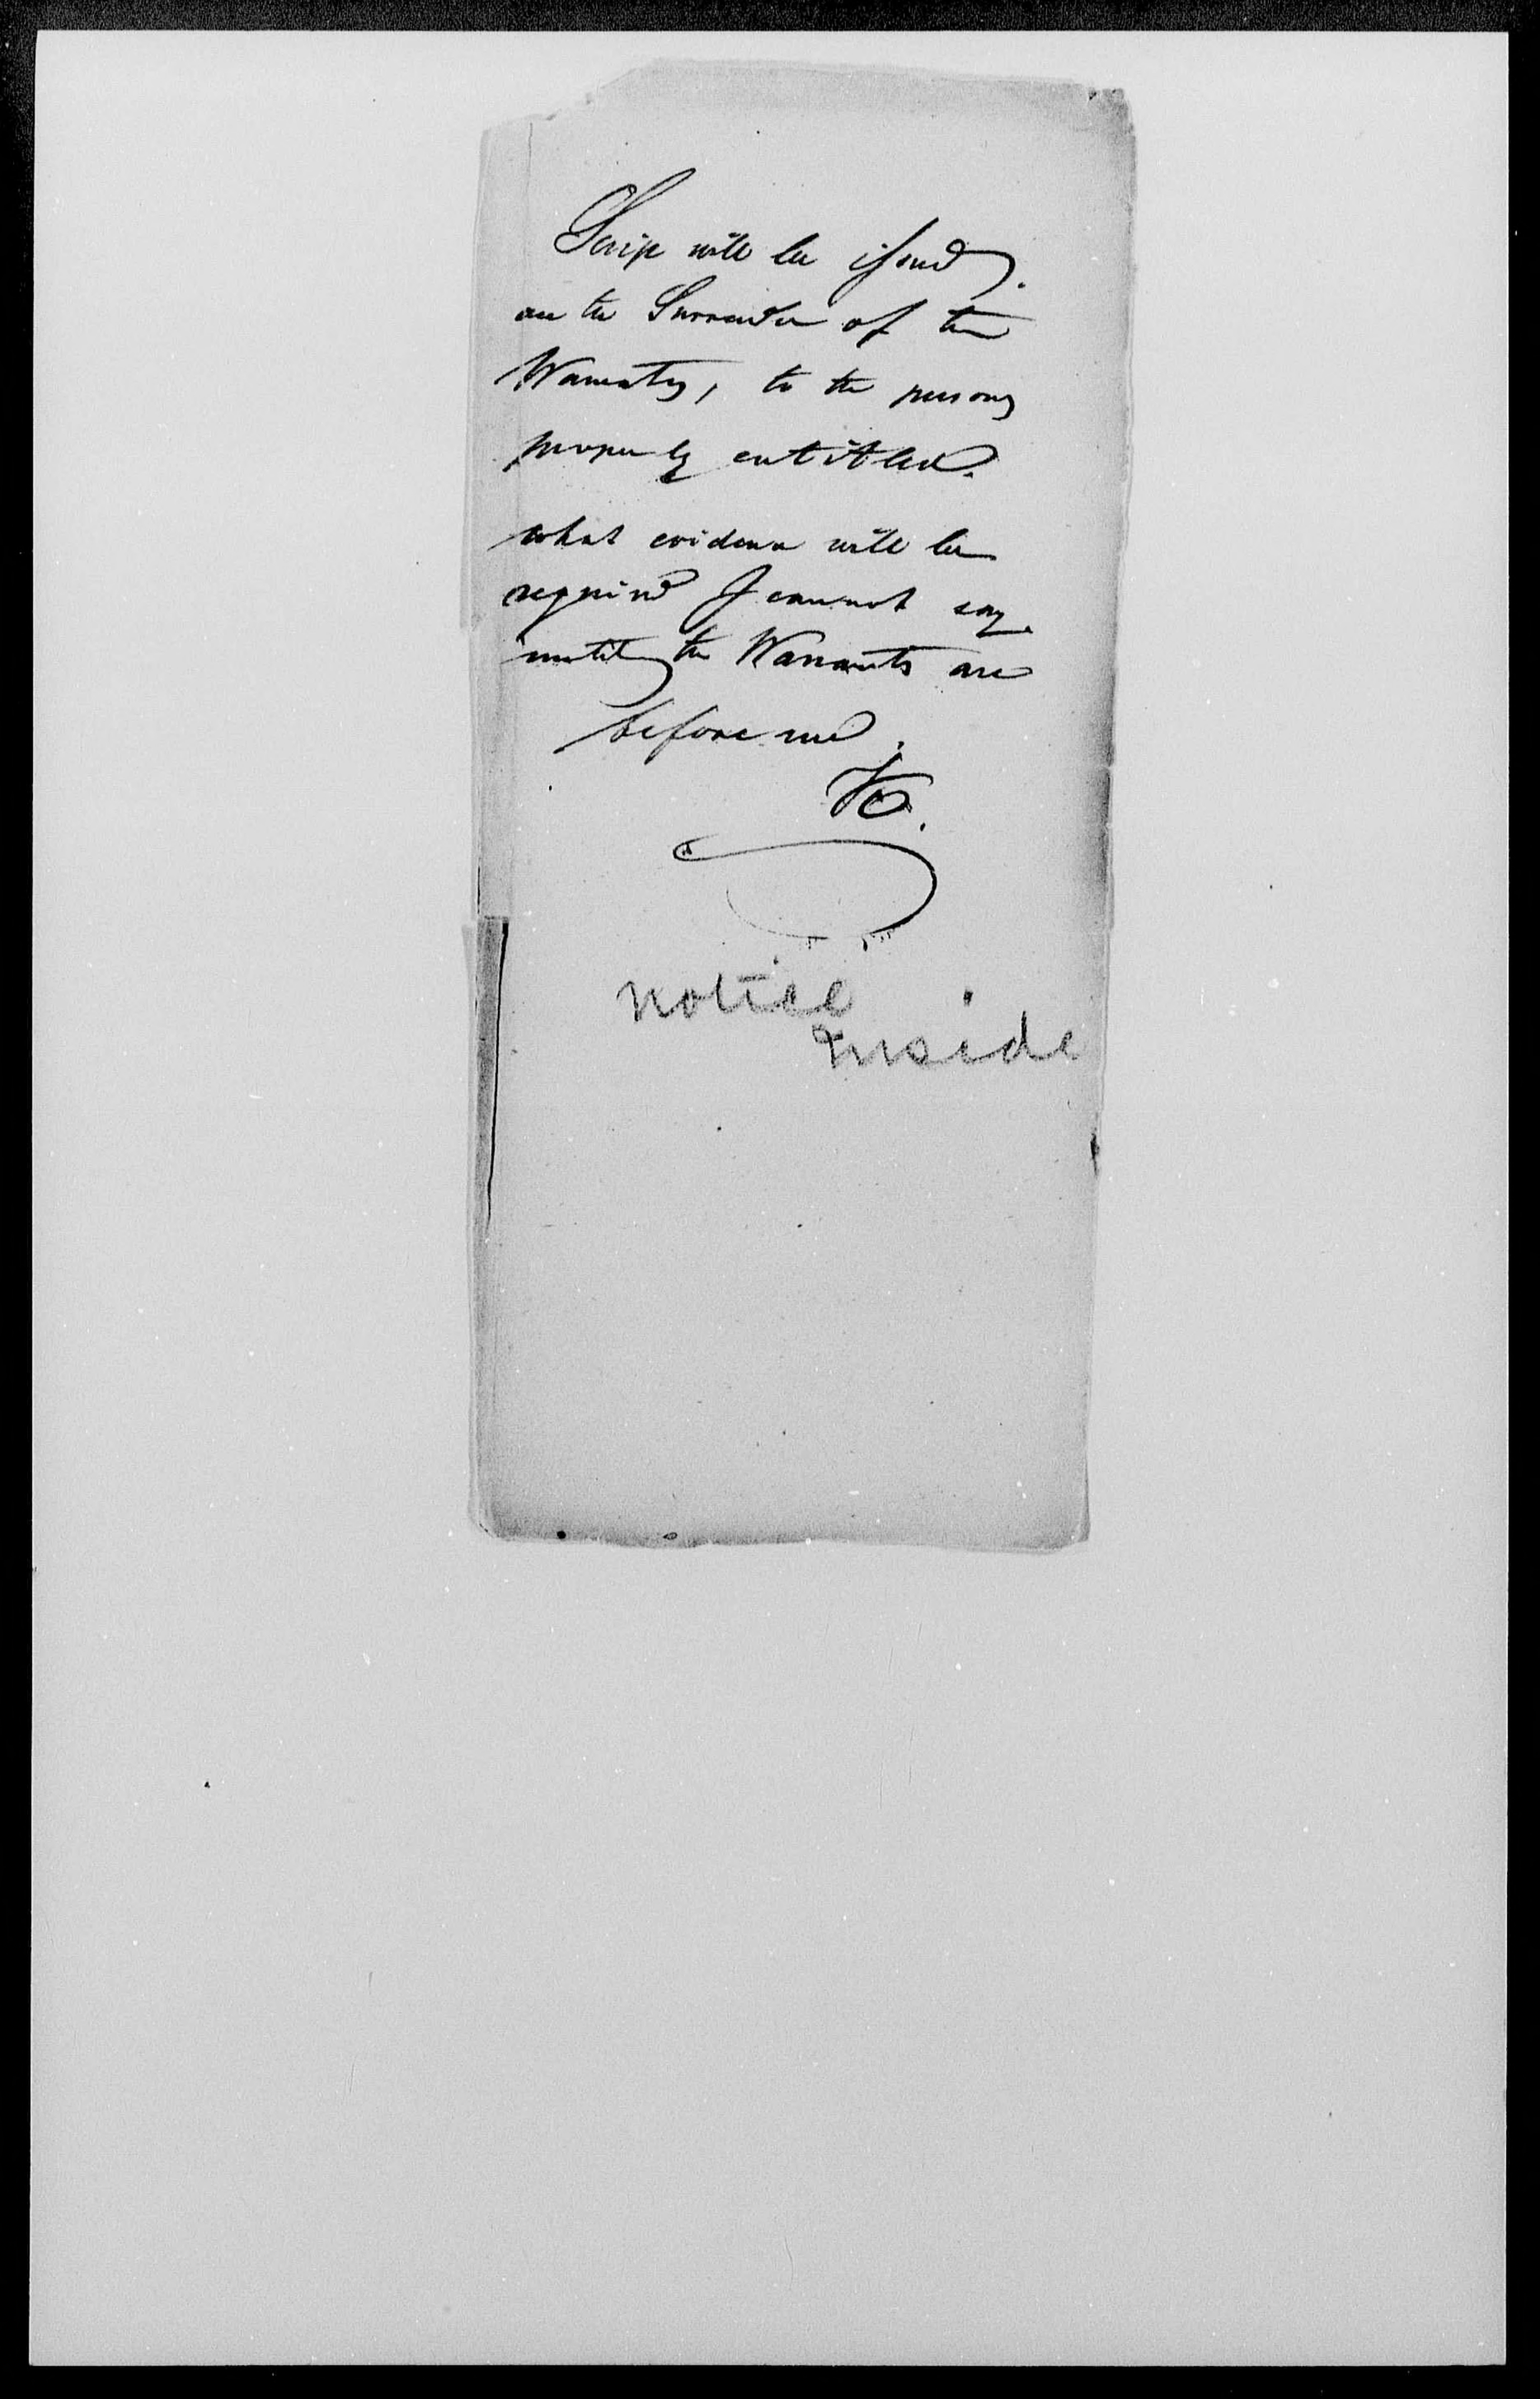? will be issued as to surrender of the warrants, to the persons previously entitled.

what evidence will be required I cannot say until the Warrants are before me

H. 


notice inside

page: 15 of 29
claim: survivor's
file: S 41404, Eleazer John Albee, Mass. Privateer